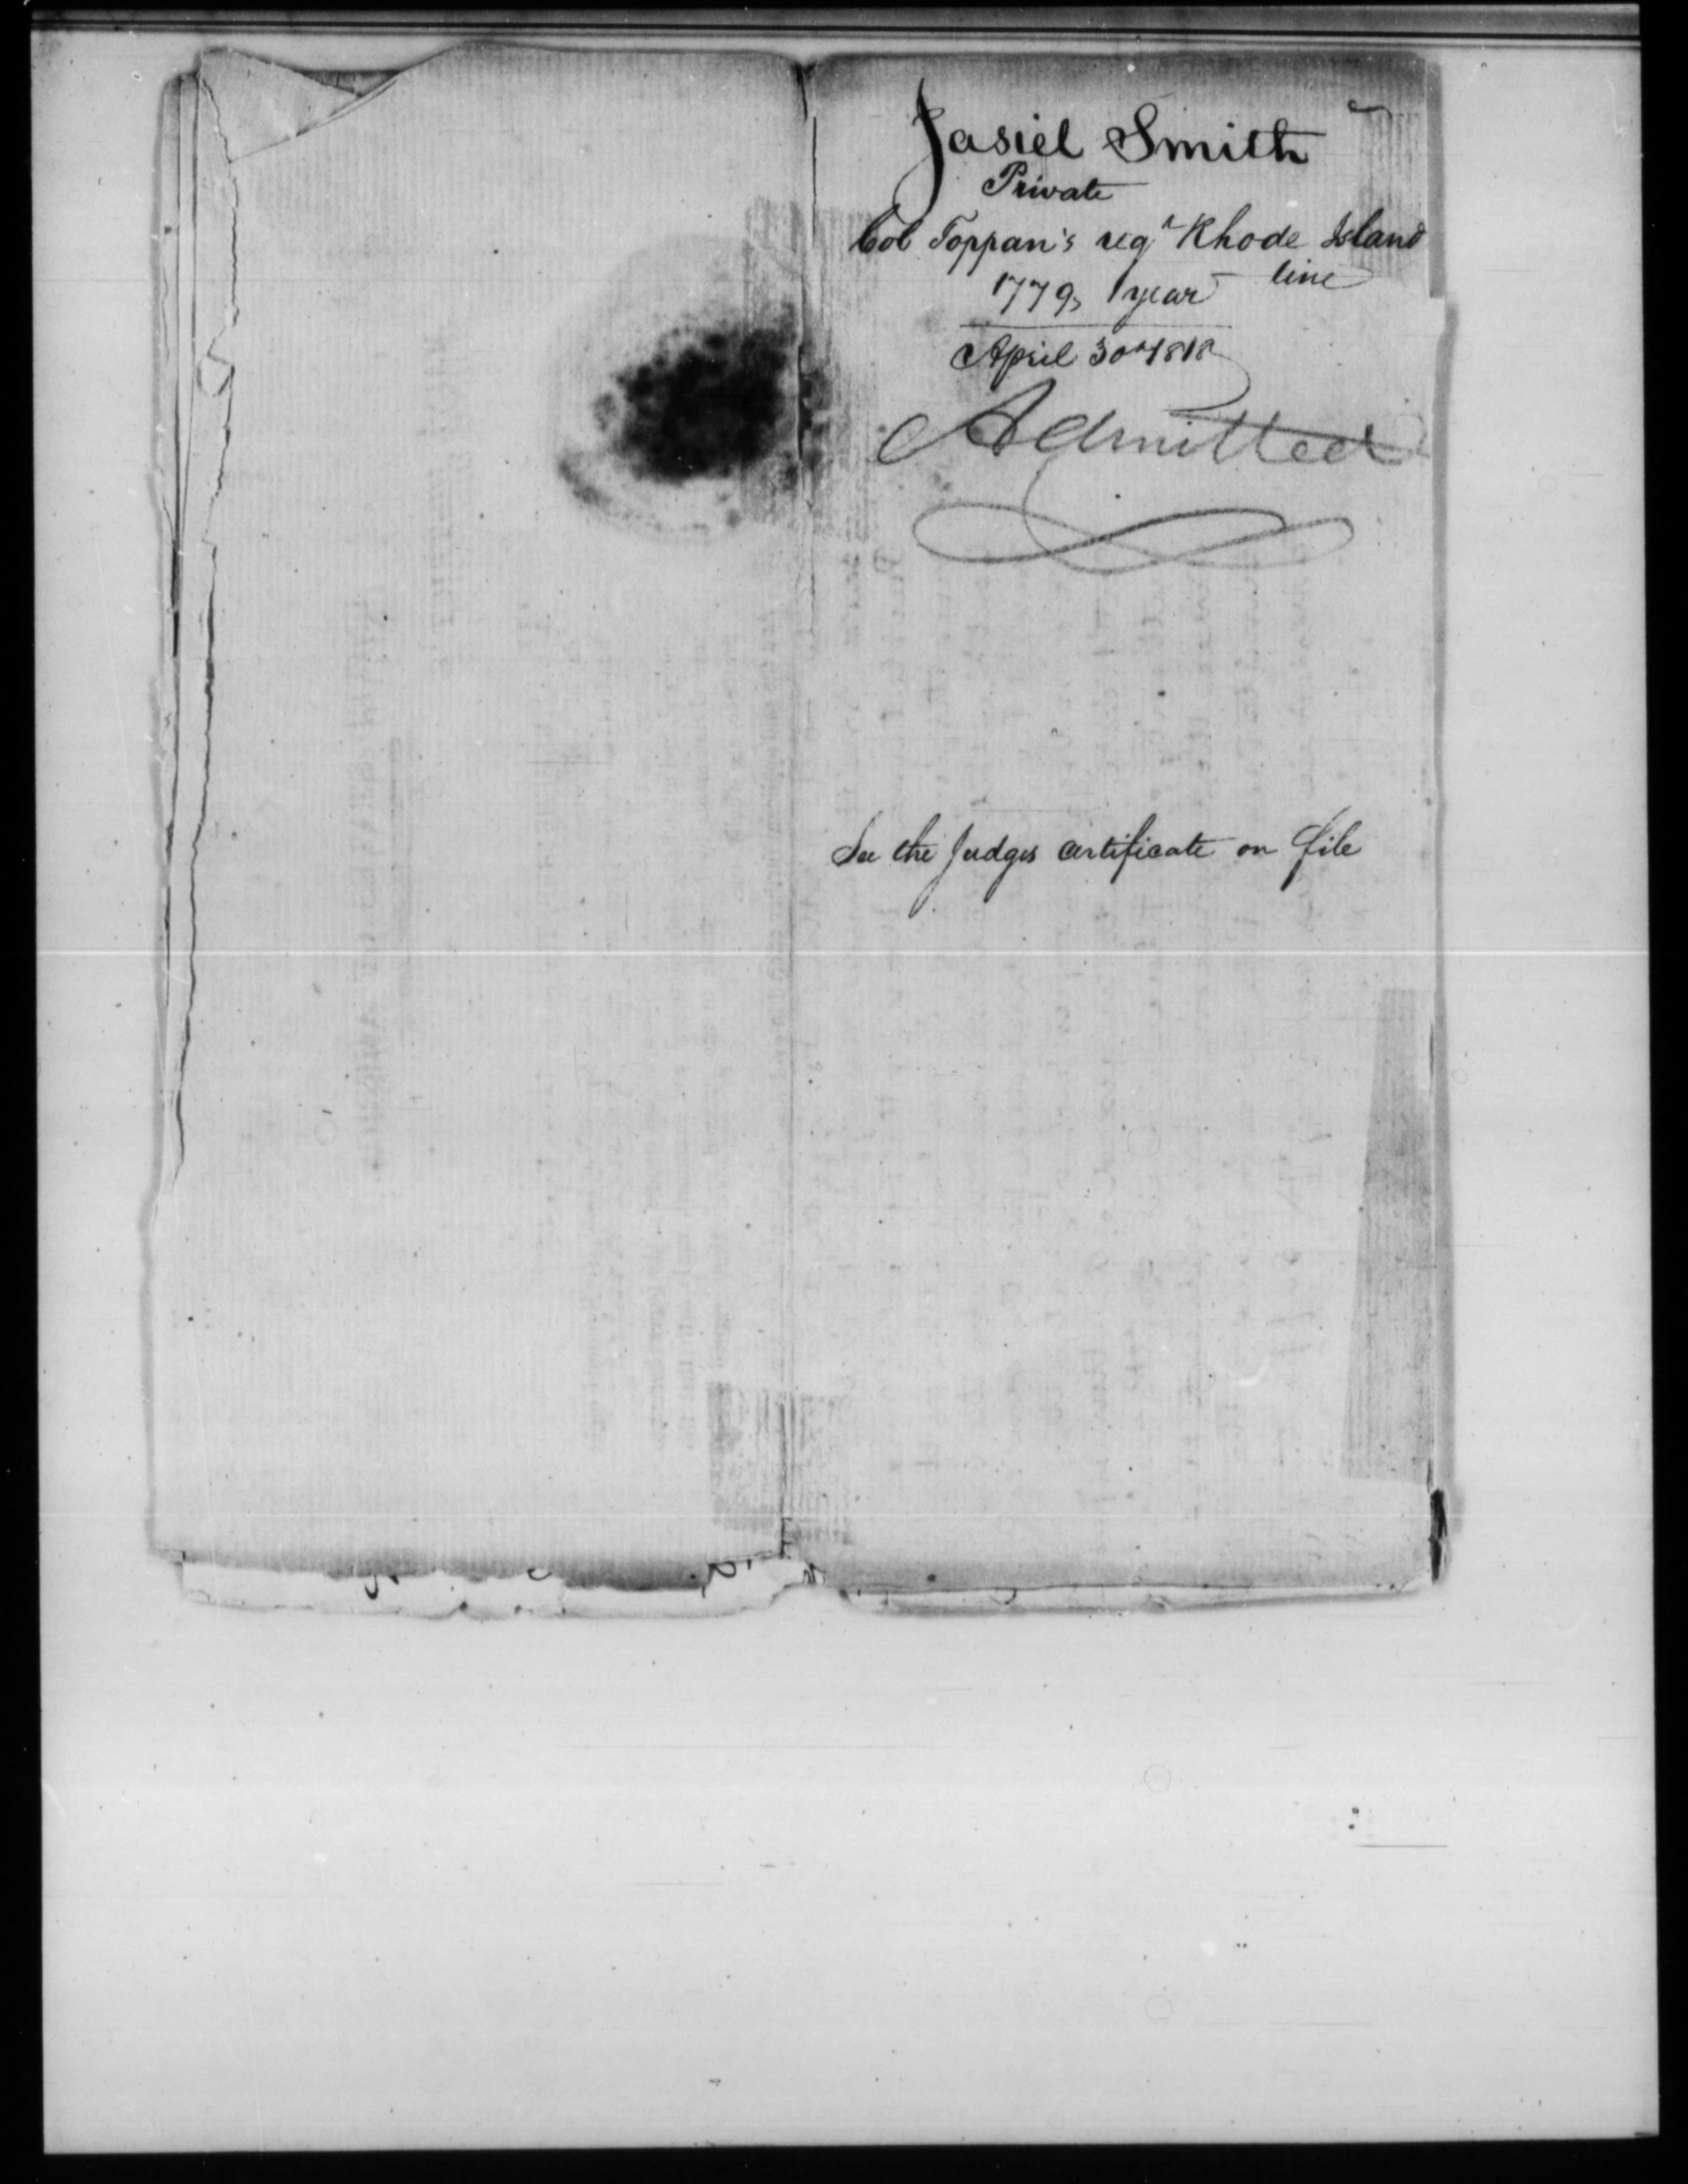Jasiel Smith
Private
Col Toppan's reg  a Rhode Island
line
1779, 1 year
April 3rd 1818
Admitted

See the Judges certificate on file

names: Jasiel Smith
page: 11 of 20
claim: widow's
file: W 2362, for Jasiel Smith, Massachusetts